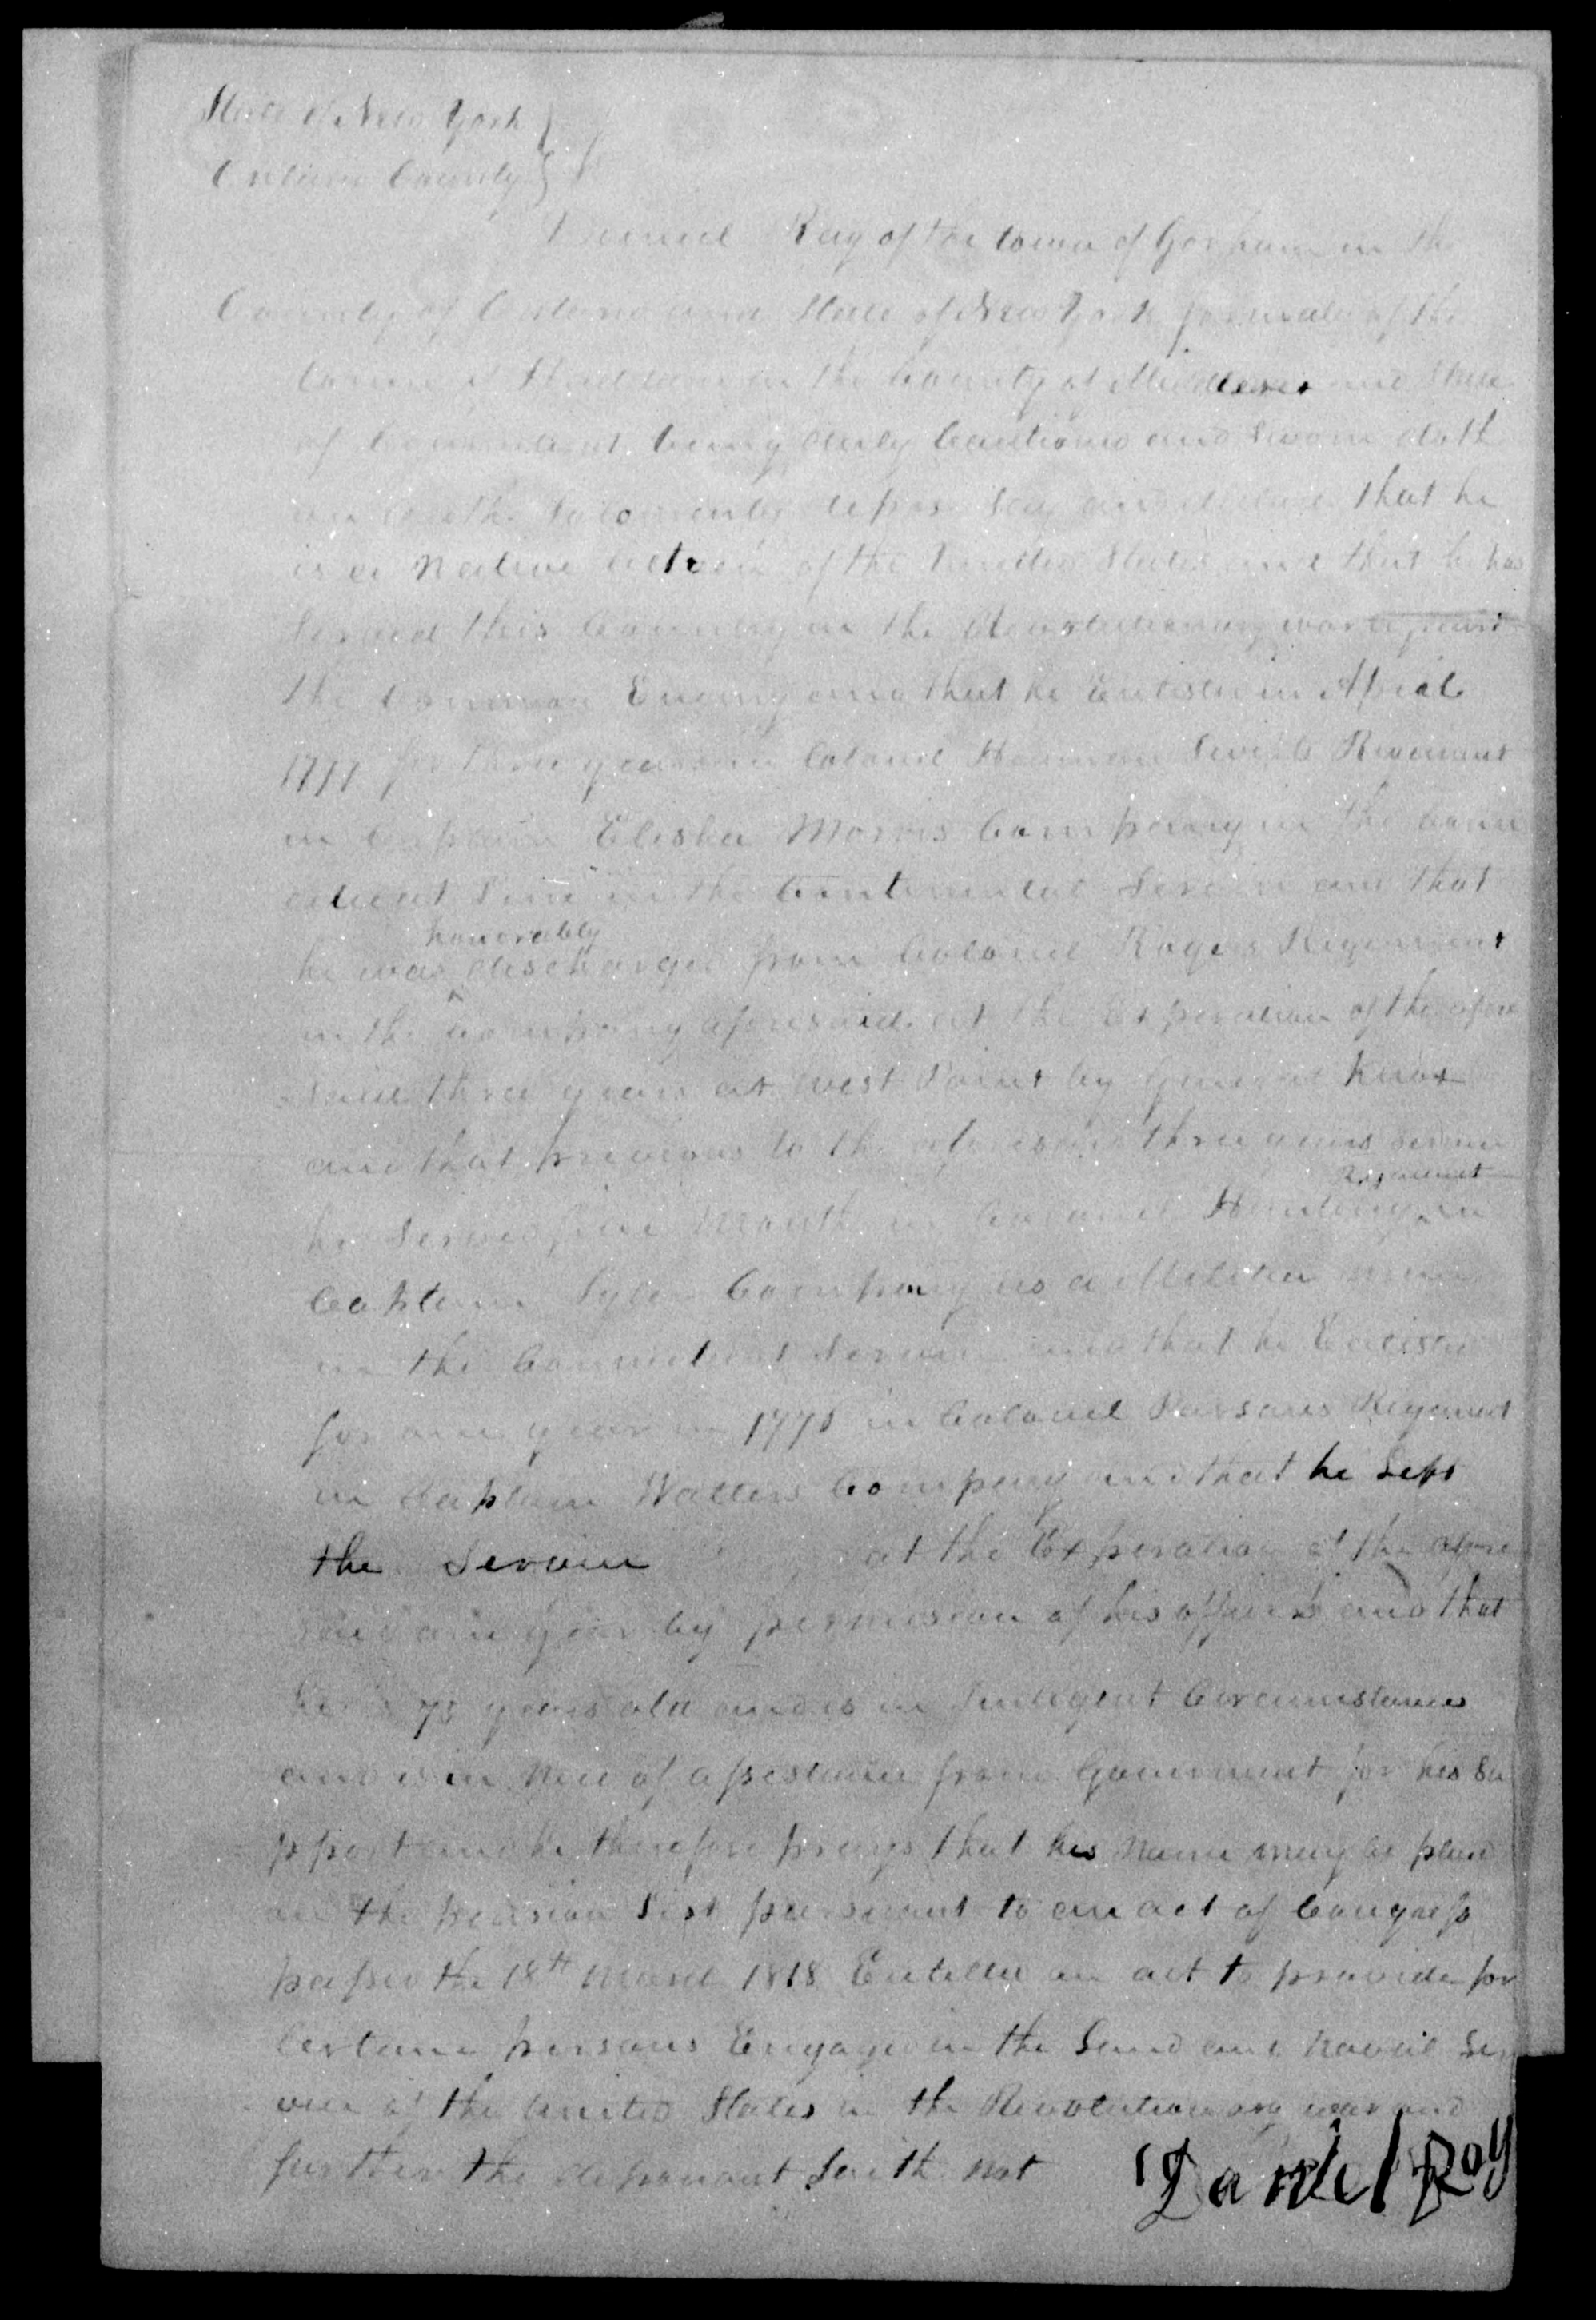State of  New York
Ontario County} Ss
Daniel Ray of the town of Gorham in the County of Ontario and State of New York formerly of the 
town of Haddam in the County of Middlesex and State of Connecticut being duly cautioned and Sworn doth [illegible] that he is a native veteran of the United States and that he has Served this country in the revolutionary war [illegible] Common Enemy [illegible] that he enlisted in April 1777 for three years in Colonel [illegible] Regiment Captain Elisha Morris Company in the [illegible] Continental Service and that he was honorably discharged from Colonel Rayes Regiment with [illegible] aforesaid [illegible] of the aforesaid three years at West Point by General Keras and that previous to the aforesaid three years service he served four months in Colonel H[illegible] Regiment in Captain Lyles Company as a Militia [illegible] in the Connecticut Service and that he enlisted for three years in 1778 in Colonel Parsons Regiment in Captain Walters Company and that he left the service [illegible] at the expiration at the above that one year by permission of his officer and that he is 75 years [illegible] indigent circumstances and is in need of assistance from government for his service [illegible] therefore prays that his name may be placed on the pension list pursuant to an act of Congress passed the 18th March 1818 Entitled an act to provide for certain persons Engaged in the Service and haven't [illegible] of the United States in the Revolutionary war and further the deponent saith not
Daniel Ray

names: Daniel Ray; [BLANK] Knox; Daniel Ray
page: 7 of 20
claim: survivor's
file: S. 43891, for Daniel Ray, Connecticut